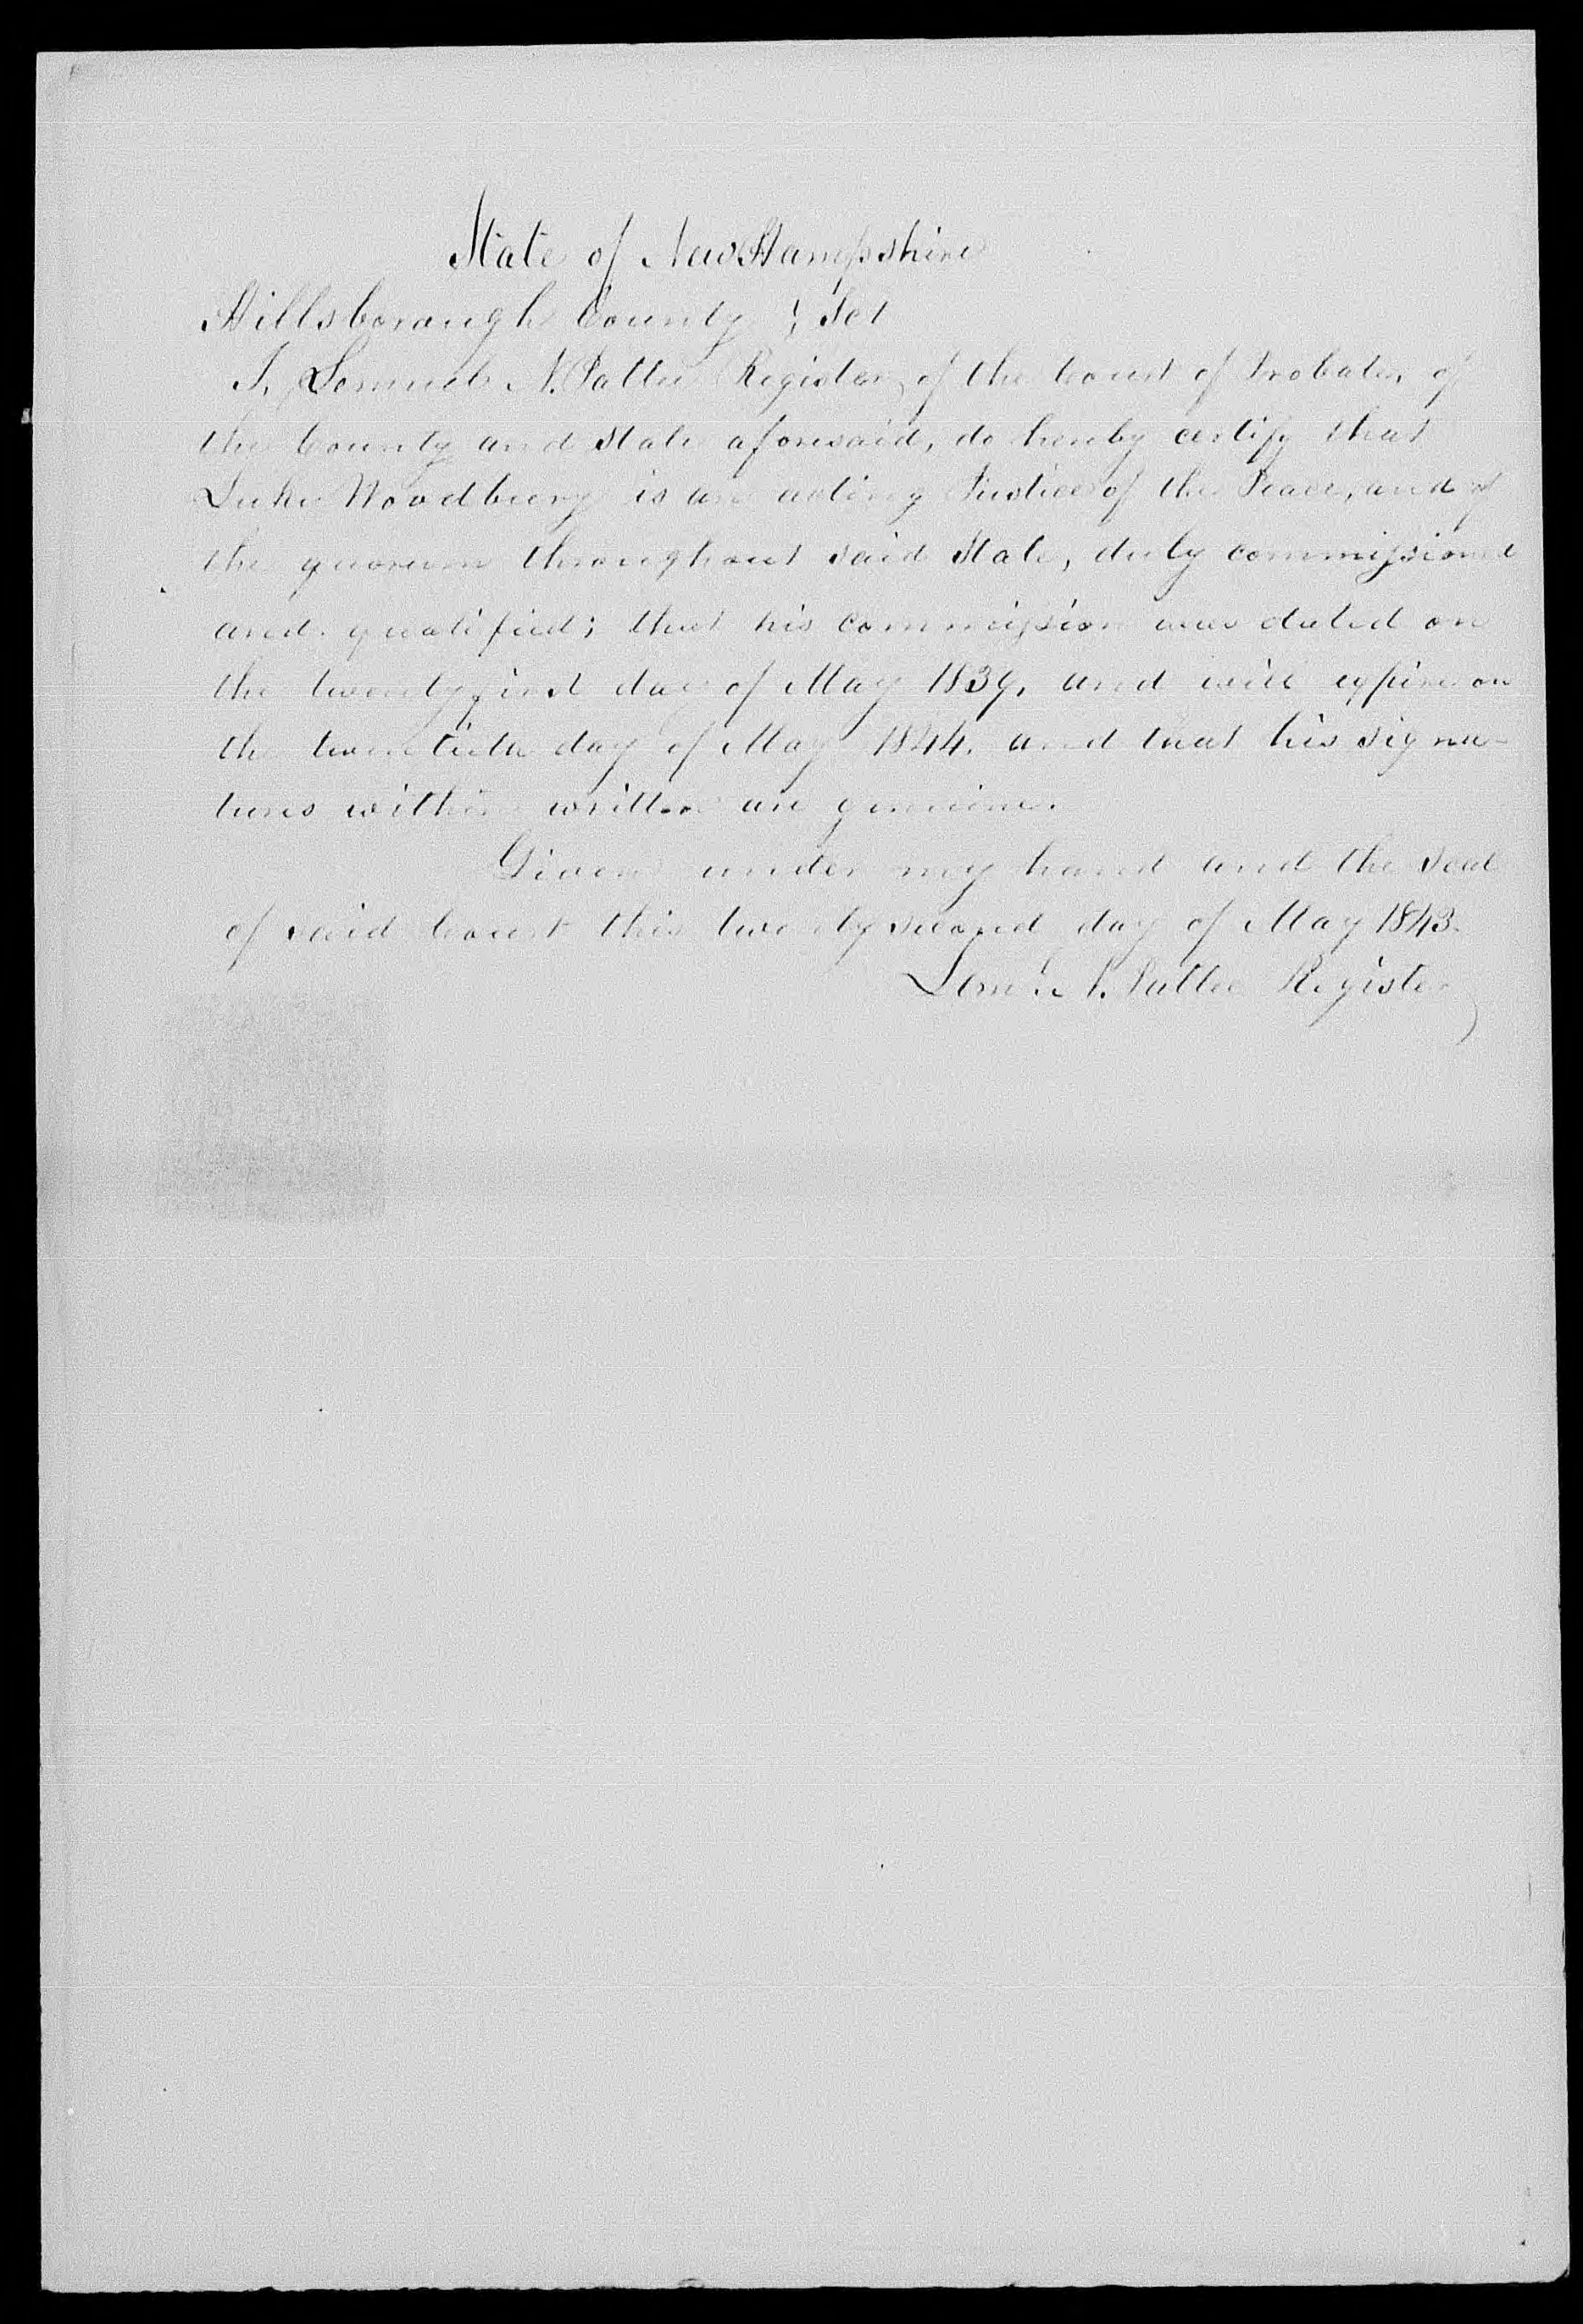State of New Hampshire
Hillsborough County : Set
I, Samuel N Patten Register of the Court of Probate, of the County and State aforesaid, do hereby certify that Luke Woodbury is an acting Justice of the Peace, and of the governor throughout said State, duly commissioned and qualified; that his commission was dated on the twentyfirst day of May 1839, and will expire on the twentieth day of May 1844, and that his signatures within written are genuine.
Given under my hand and the seal of said Court this twentysecond day of May 1843.
Samuel N. Patten Register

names: Luke Woodbury, Samuel A Potter, Lemul N Pattee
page: 16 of 22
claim: widow's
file: W. 22984, John Dwinnell, Mass.